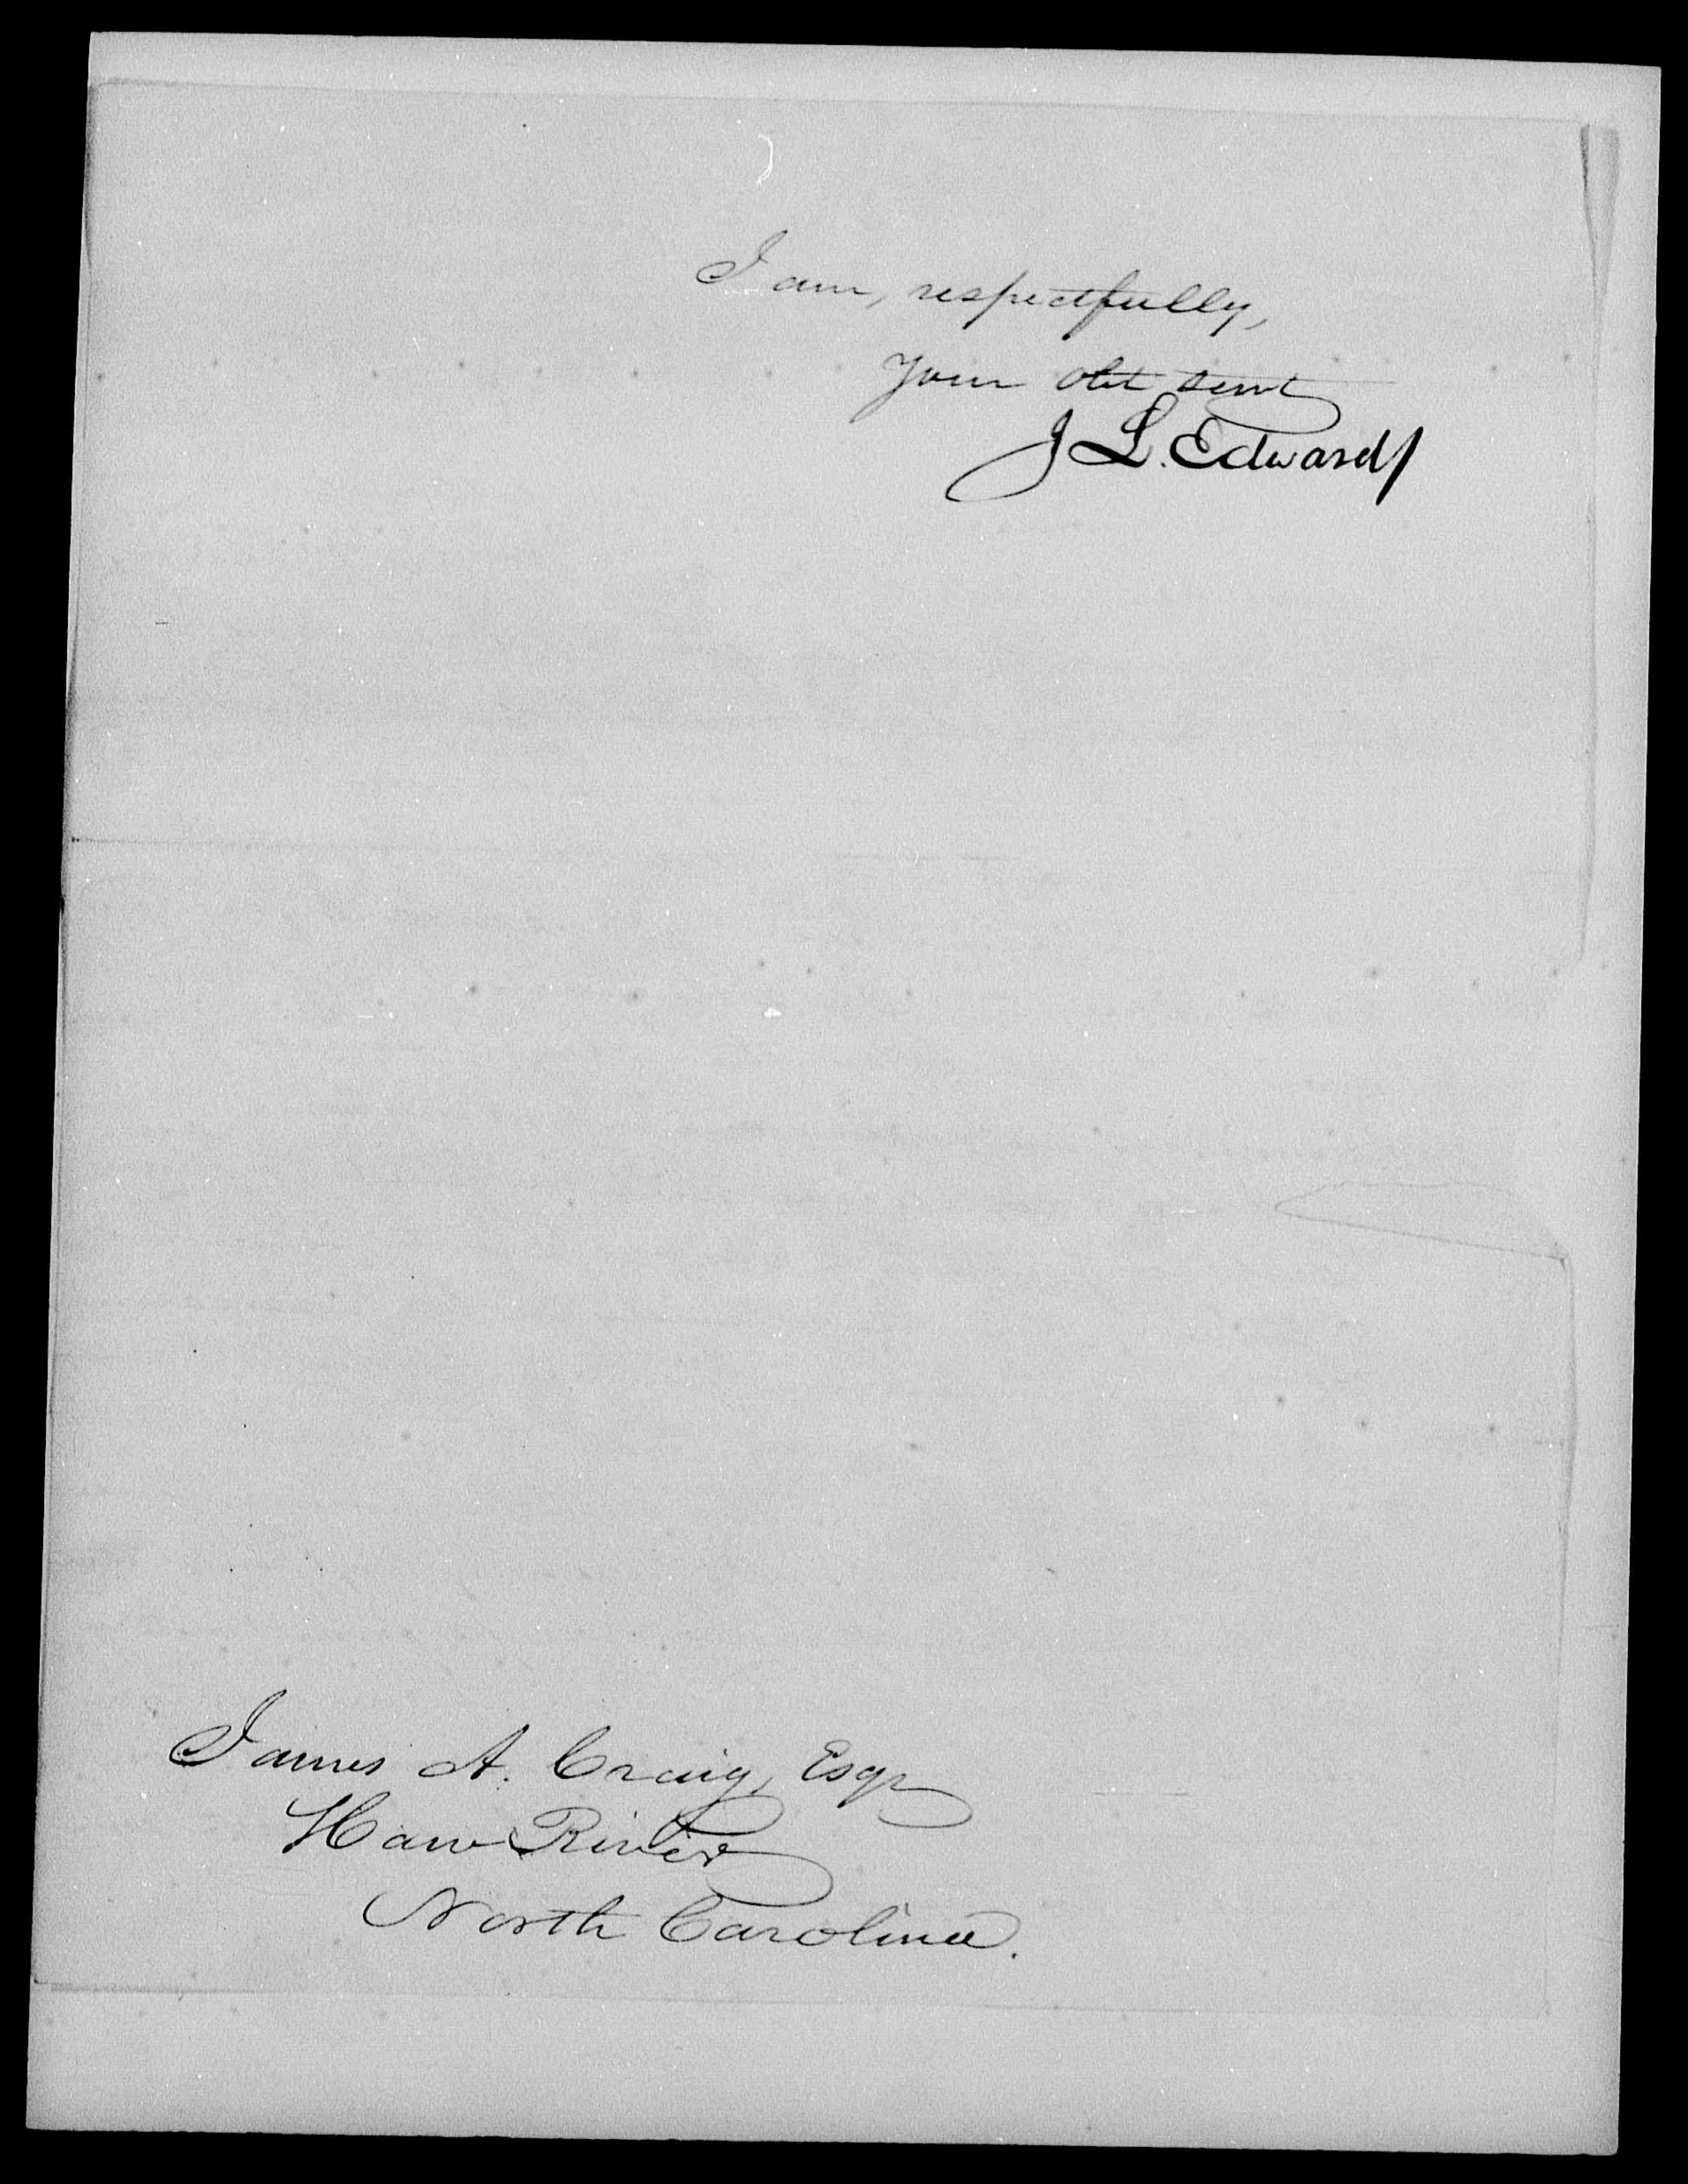[2nd page of handwritten letter]

I am, respectfully, 
Your obt servt [Your obedient servant]
J L. Edwards

James A. Craig, Esqr {Esquire]
Haw River
North Carolina.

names: James A Craig, J L Edwards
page: 62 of 145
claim: survivor's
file: S. 8265, William Cumming, N.C.